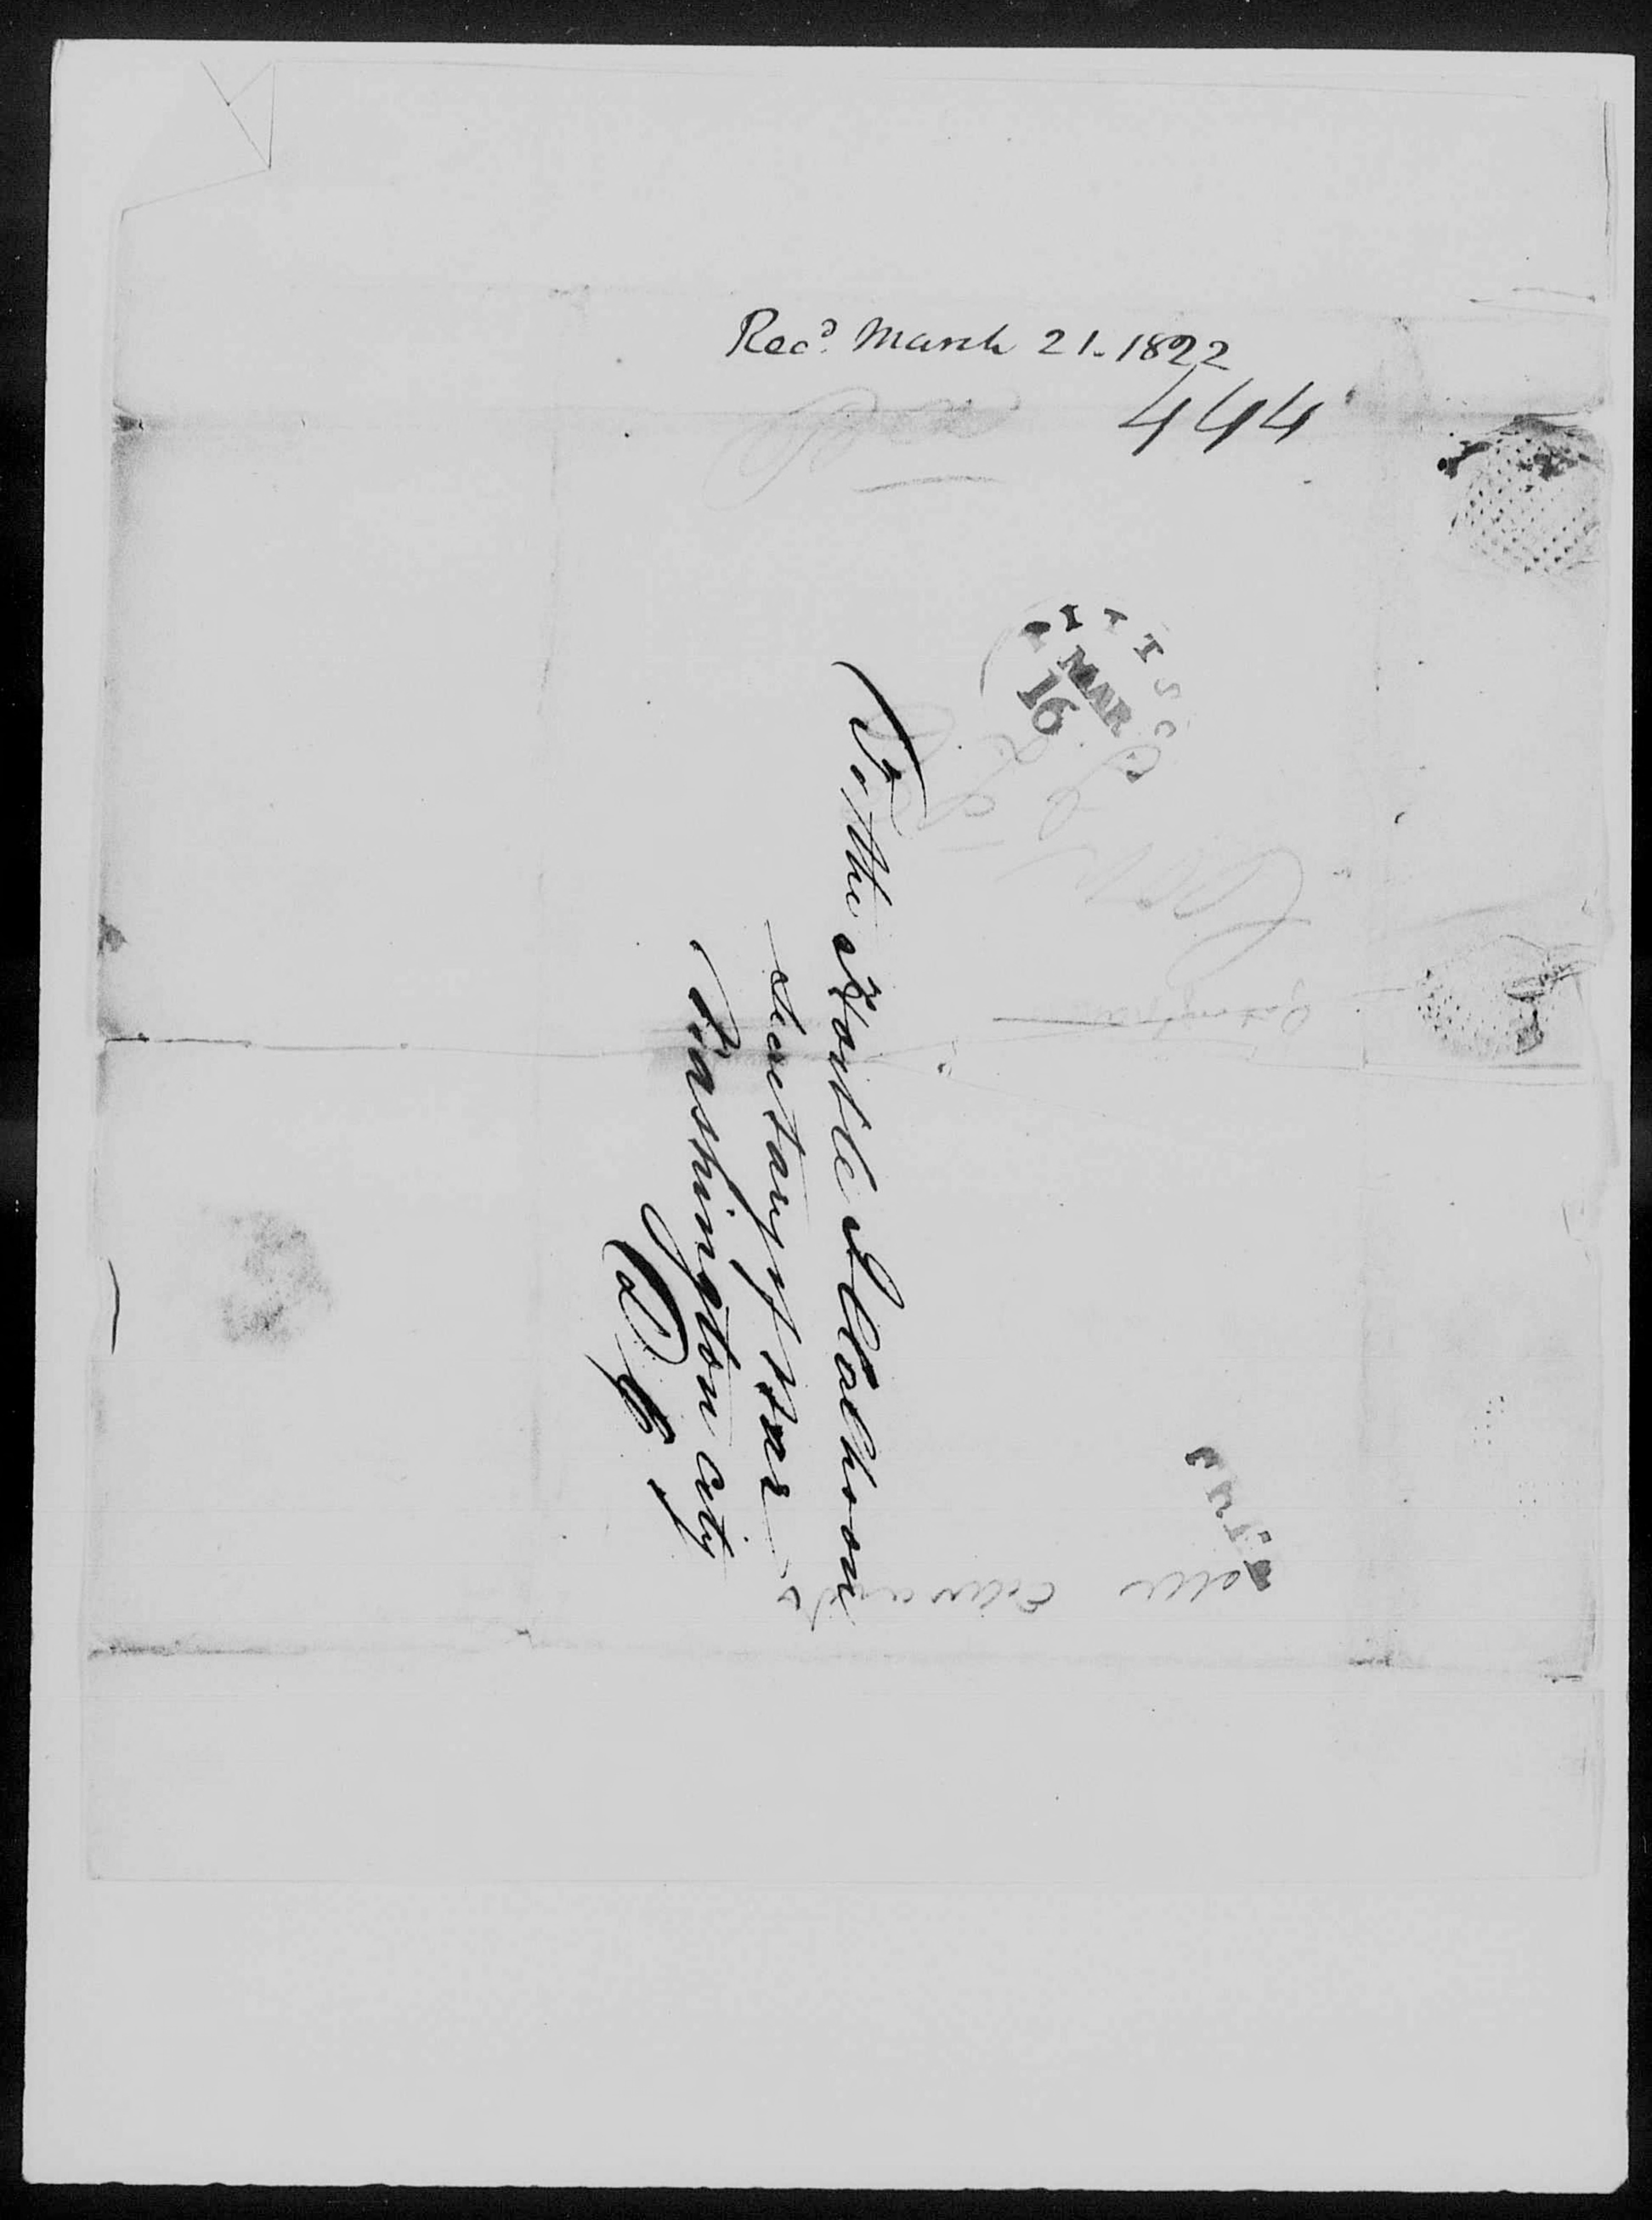[handwritten in several different directions]

Rec.d March 21.1822
444

[round black stamp]
Pitts
Mar
16

To the Honble J C Calhoon
Secretary of War
Washington City
D.C. 

[stamp]
FREE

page: 15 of 19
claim: survivor's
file: S. 40,018, George Bowers, Md